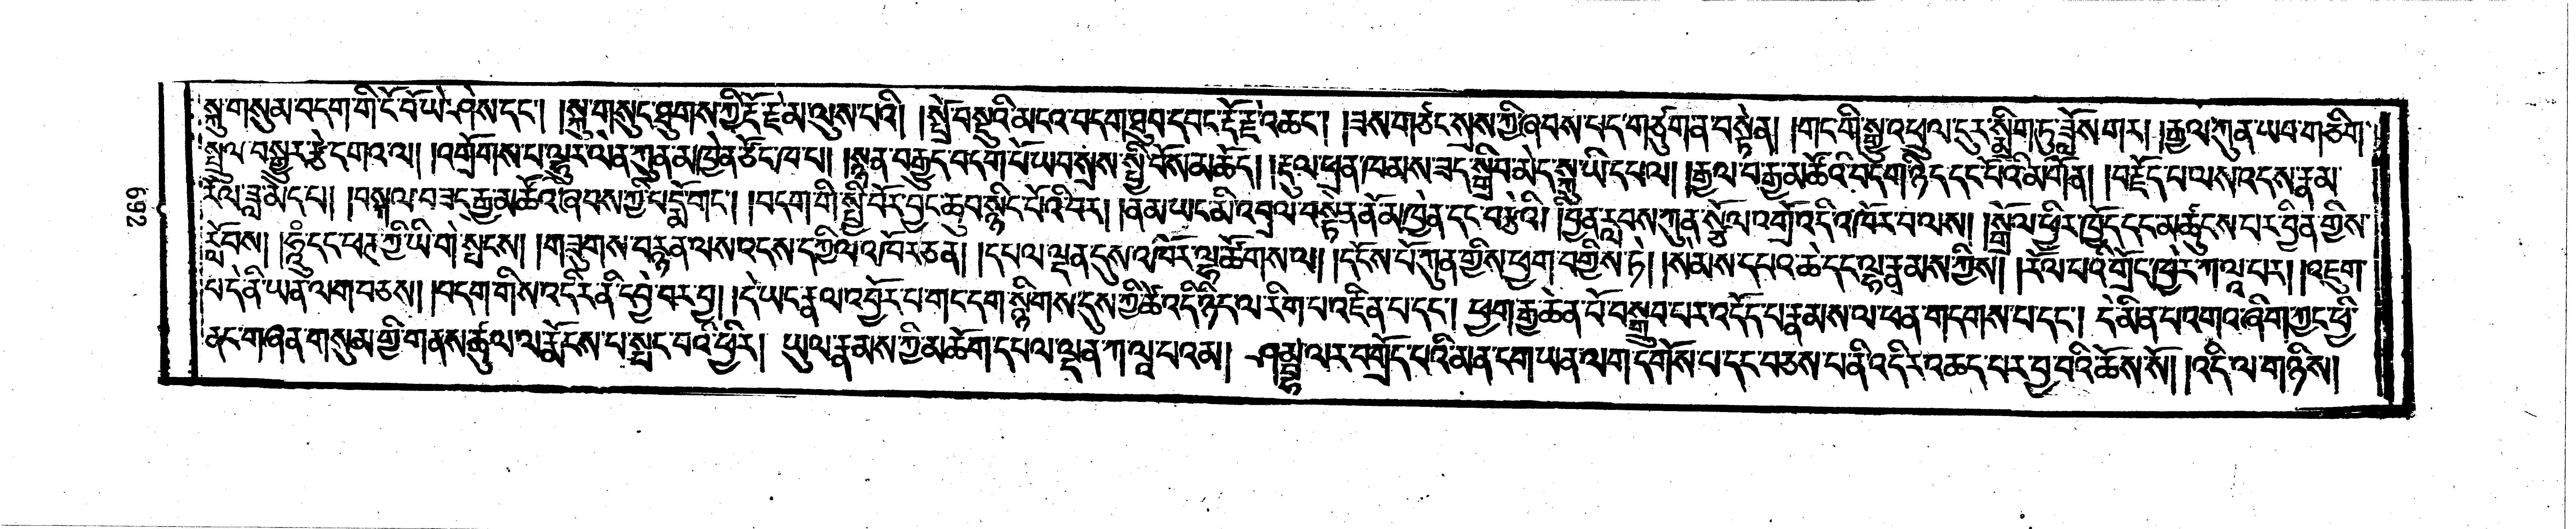སྐུ་གསུམ་བདག་གི་ངོ་བོ་ཡེ་ཤེས་དང་། །སྐུ་གསུང་ཐུགས་ཀྱི་རྡོ་རྗེ་མ་ལུས་པའི། །སྤྲོ་བསྡུའི་མངའ་བདག་ཐུབ་དབང་རྡོ་རྗེ་འཆང་། །ཟས་གཙང་སྲས་ཀྱི་ཞབས་པད་གཙུག་ན་བསྟེན། །གང་གི་སྒྱུ་འཕྲུལ་ངུར་སྨིག་ཏུ་ཟློས་གར། །རྒྱལ་ཀུན་ཡབ་གཅིག་
སྤྲུལ་བསྒྱུར་རྩེ་དགའ་ལ། །འགྲོགས་པ་ལྷུར་ལེན་ཀུན་མཁྱེན་ཙོང་ཁ་པ། །སྙན་བརྒྱུད་བདག་པོ་ཡབ་སྲས་སྤྱི་བོས་མཆོད། །རྡུལ་ཕྲན་ཁམས་ཟད་སྒྲིབ་མེད་སྐུ་ཡི་དཔལ། །རྒྱལ་བ་རྒྱ་མཚོའི་བདག་ཉིད་དང་པོའི་མགོན། །བརྗོད་པ་ལས་འདས་རྣམ་
རོལ་ཟླ་མེད་པ། །བསྐལ་བཟང་རྒྱ་མཚོའི་ཞབས་ཀྱི་པདམོ་གང་། །བདག་གི་སྤྱི་བོར་བྱང་ཆུབ་སྙིང་པོའི་བར། །ནམ་ཡང་མི་འབྲལ་བསྟེན་ནོ་མཁྱེན་དང་བརྩེའི། །བྱིན་རླབས་ཀུན་སྩོལ་འགྲོ་འདི་འཁོར་བ་ལས། །སྒྲོལ་ཕྱིར་ཁྱོད་དང་མཚུངས་པར་བྱིན་གྱིས་
རློབས། །ཧཱུཾ་དང་ཕཊ་ཀྱི་ཡི་གེ་སྤངས། །གཟུགས་བརྙན་ལས་འདས་དཀྱིལ་འཁོར་ཅན། །དཔལ་ལྡན་དུས་འཁོར་ལྷ་ཚོགས་ལ། །དངོས་པོ་ཀུན་གྱིས་ཕྱག་བགྱིས་ཏེ། །སེམས་དཔའ་ཆེ་དང་ལྷ་རྣམས་ཀྱིས། །རོལ་པའི་གྲོང་ཁྱེར་ཀ་ལཱ་པར། །འཇུག་
པ་དེ་ནི་ཡན་ལག་བཅས། །བདག་གིས་འདིར་ནི་དབྱེ་བར་བྱ། །དེ་ཡང་རྣལ་འབྱོར་པ་གནག་དག་སྙིགས་དུས་ཀྱི་ཚེ་འདི་ཉིད་ལ་རིག་པ་འཛིན་པ་དང་། ཕྱག་རྒྱ་ཆེན་པོ་བསྒྲུབ་པར་འདོད་པ་རྣམས་ལ་ཕན་གདགས་པ་དང་། དེ་མིན་པ་འགའ་ཞིག་ཀྱང་ཕྱི་
ནང་གཞན་གསུམ་གྱི་གནས་ཚུལ་ལ་རྨོངས་པ་སྤང་བའི་ཕྱིར། ཡུལ་རྣམས་ཀྱི་མཆོག་དཔལ་ལྡན་ཀ་ལཱ་པའམ། ཤམྦྷ་ལར་བགྲོད་པའི་མན་ངག་ཡན་ལག་དགོས་པ་དང་བཅས་པ་ནི་འདིར་འཆད་པར་བྱ་བའི་ཆོས་སོ། །འདི་ལ་གཉིས།